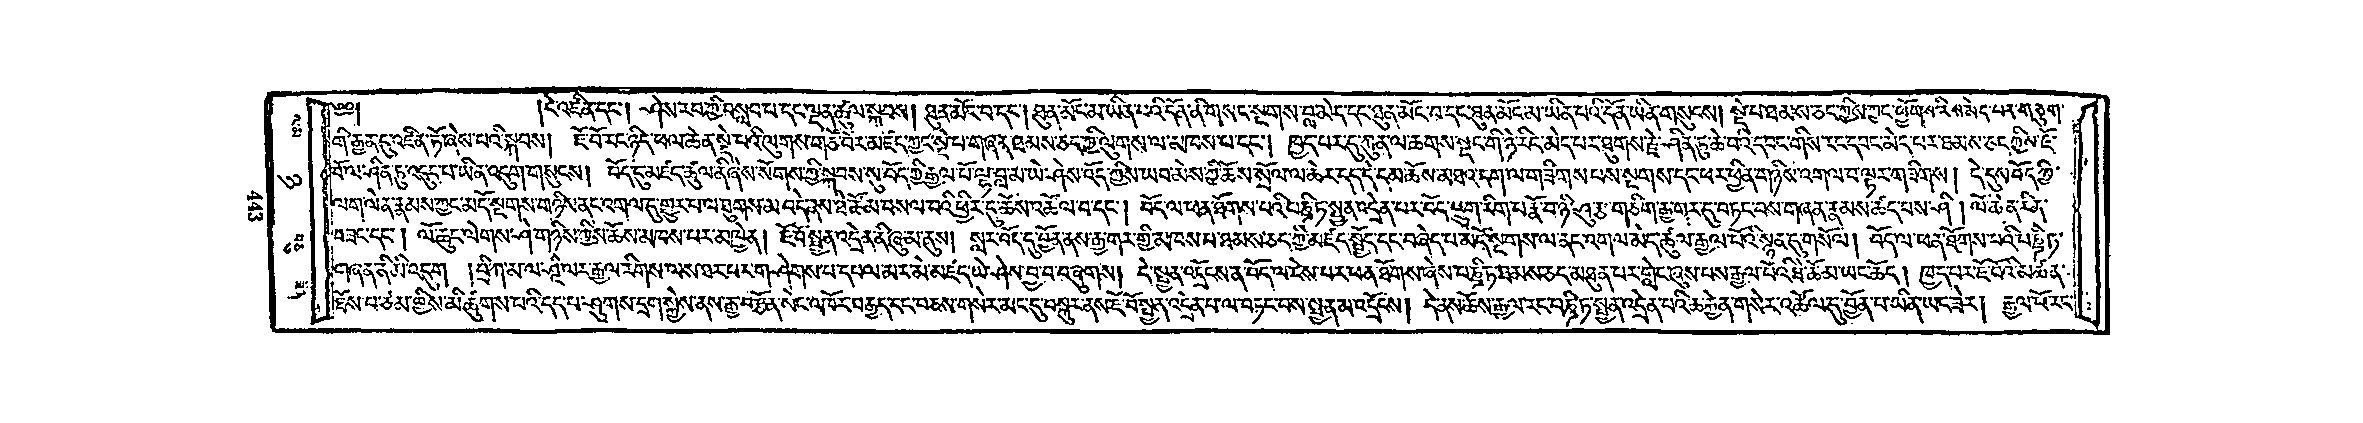༄༅། །ངེ་འཛིན་དང་། ཤེས་རབ་ཀྱི་བསླབ་པ་དང་ལྡན་ཚུལ་སྐབས། ཐུན་མོང་བ་དང་། ཐུན་མོང་མ་ཡིན་པའི་དོན་ནི་གསང་སྔགས་བླ་མེད་དང་ཐུན་མོང་བ་དང་ཐུན་མོངས་མ་ཡིན་པའི་དོན་ཡིན་གསུངས། སྡེ་པ་ཐམས་ཅད་ཀྱིས་ཀྱང་ཕྱོགས་རིས་མེད་པར་གཅུག་
གི་རྒྱན་དུ་འཛིན་ཏོ་ཞེས་པའི་སྐབས། ཇོ་བོ་རང་ཉིད་ཕལ་ཆེན་སྡེ་པའི་ལུགས་གཙོ་བོར་མཛད་ཀྱང་སྡེ་པ་གཞན་ཐམས་ཅད་ཀྱི་ལུགས་ལ་མཁས་པ་དང་། ཁྱད་པར་དུ་ཀུན་ལ་ཆགས་སྡང་གི་ཉེ་རིང་མེད་པར་ཐུགས་རྗེ་ཤིན་ཏུ་ཆེ་བའི་དབང་གིས་རང་དབང་མེད་པར་ཐམས་ཅད་ཀྱིས་ཇོ་
བོ་ལ་ཤིན་ཏུ་འདུད་པ་ཡིན་འདུག་གསུངས། བོད་དུ་མཛད་ཚུལ་ནི་ཞེས་སོགས་ཀྱི་སྐབས་སུ་བོད་ཀྱི་རྒྱལ་པོ་ལྷ་བླ་མ་ཡེ་ཤེས་འོད་ཀྱིས་ཡབ་མེས་ཀྱི་ཆོས་སྲོལ་ལ་ཆེར་དད་དེ་དམ་ཆོས་མཐའ་དག་ལ་གཟིགས་པས་སྔགས་དང་ཕར་ཕྱིན་གཉིས་འགལ་བ་ལྟར་གཟིགས། དེ་དུས་བོད་ཀྱི་
ལག་ལེན་རྣམས་ཀྱང་མདོ་སྔགས་གཉིས་ནང་འགལ་དུ་གྱུར་པ་ལ་ཐུགས་མ་བདེ་ནས་ཐེ་ཚོམ་བསལ་བའི་ཕྱིར་དུ་ཆོས་འཚོལ་བ་དང་། བོད་ལ་ཕན་ཐོགས་པའི་པཎྜི་ཏ་སྤྱན་འདྲེན་པར་བོད་ཕྲུག་རིག་པ་རྣོ་བ་ཉི་ཤུ་རྩ་གཅིག་རྒྱ་གར་དུ་བཏང་བས་གཞན་རྣམས་ཚད་པས་ཤི། ལོ་ཆེན་རིན་
བཟང་དང་། ལོ་ཆུང་ལེགས་ཤེ་གཉིས་ཀྱིས་ཆོས་མཁས་པར་མཁྱེན། ཇོ་བོ་སྤྱན་འདྲེན་ནི་ཞུ་མ་ནུས། སླར་བོད་དུ་བྱོན་ནས་རྒྱ་གར་གྱི་མཁས་པ་ཐམས་ཅད་ཀྱི་མཛད་སྤྱོད་དང་བཞེད་པ་མདོ་སྔགས་ལ་ནང་འགལ་མེད་ཚུལ་རྒྱལ་པོའི་སྙན་དུ་གསོལ། བོད་ལ་ཕན་ཐོགས་པའི་པཎྜི་ཏ་
གཞན་ནི་མི་འདུག །བྲི་ཀ་མ་ལ་ཤའི་ལར་རྒྱལ་རིགས་ལས་ཐར་པར་གཤེགས་པ་དཔལ་མར་མེ་མཛད་ཡེ་ཤེས་བྱ་བ་བཞུགས། དེ་སྤྱན་འདྲོངས་ན་བོད་ལ་ངེས་པར་ཕན་ཐོགས་ཞེས་པཎྜི་ཏ་ཐམས་ཅད་མཐུན་པར་གླེང་ཞུས་པས་རྒྱལ་པོའི་ཐེ་ཚོམ་ཡང་ཆོད། ཁྱད་པར་ཇོ་བོའི་མཚན་
ཐོས་པ་ཙམ་གྱིས་མི་ཚུགས་པའི་དད་པ་ཤུགས་དྲག་སྐྱེས་ནས་རྒྱ་བརྩོན་སེང་འཁོར་བརྒྱད་དང་བཅས་གསེར་མང་དུ་བསྐུར་ནས་ཇོ་བོ་སྤྱན་འདྲེན་པ་ལ་བཏང་བས་སྤྱན་མ་འདྲོངས། དེ་ནས་ཆོས་རྒྱལ་རང་པཎྜི་ཏ་སྤྱན་འདྲེན་པའི་ཆ་རྐྱེན་གསེར་འཚོལ་དུ་བྱོན་པ་ཡིན་ཡང་ཟེར། རྒྱལ་པོ་རང་